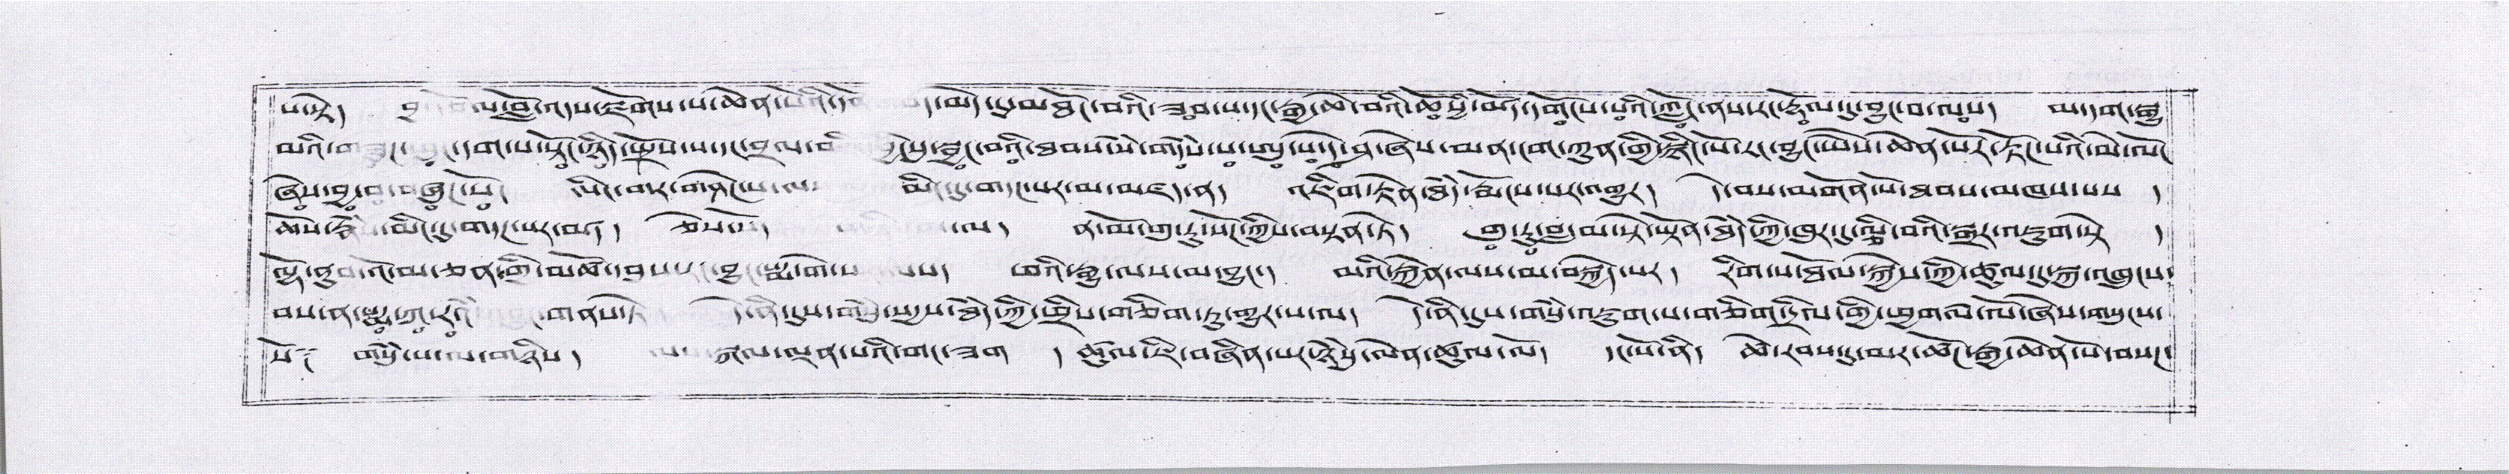པ་སྟེ། བྱ་རྩོལ་བློ་འདས་རྫོགས་པ་ཆེན་པོའི་དོན་འབད་མེད་དུ་མཐོང་བའི་ཟབ་པ་དང་རྒྱ་ཆེ་བའི་ཆོས་མཛོད་དགོངས་པའི་ཀློང་ནས་རང་བརྡོལ་དུ་བྱུང་བ་ལས། མ་དག་སྒྱུ་
མའི་གཟུགས་ཕུང་དག་པ་སྟོང་ཉིད་སྤྲོས་པ་དང་བྲལ་བའི་དབྱིངས་སུ་སྦྱང་བའི་ཐབས་སམ་གདམས་པ་ཨུ་པ་དེ་ཤ་ཞེས་མན་ངག་ཀུན་གྱི་སྙིང་པོ་རང་བྱུང་ཡེ་ཤེས་ཆེན་པོར་རྟོགས་པའི་མེ་ལོང་
ཞེས་བྱ་བ་བཞུགས་སོ། ལང་ཀར་གཤེགས་པ་ལས། མིང་དུ་གདགས་པར་མ་མཛད་ན། འཇིག་རྟེན་ཐམས་ཅད་རྨོངས་པར་འགྱུར། དེ་བས་མགོན་པོ་ཐབས་མཁས་པས། 
ཆོས་རྣམས་མིང་དུ་གདག་པར་མཛད། ཅེས་སོ། གཉིས་པ་ལ། ན་མོ་གུ་རུ་སོགས་ཀྱིས་བསྟན་ཏེ། གུ་རུ་བླ་མ་སྟེ་ཡོན་ཏན་ཐམས་ཅད་ཀྱི་ཁུར་དུ་ལྕི་བའི་སྒྲར་འཇུག་སྟེ། 
ལྷོ་ནུབ་འོ་མ་ཅན་གྱི་མཚོ་དབུས་རང་བྱུང་པད་མ་གེ་སར་ལས། ཕ་ཡི་རྒྱུ་ལས་མ་བྱུང་། མའི་རྐྱེན་ལས་མ་བསྐྱེད་པར་རིག་པ་ཐོལ་སྐྱེས་ཀྱི་ཚུལ་དུ་སྐུ་འཁྲུངས་
པས་ན་པདྨ་ཀ་རའམ་འབྱུང་གནས་ཏེ། དེ་ནི་དུས་གསུམ་སངས་རྒྱས་ཐམས་ཅད་ཀྱི་འཕྲིན་ལས་གཅིག་ཏུ་གྱུར་པ་ལ། དེ་ནི་དུས་གསུམ་འཇུག་པ་གཅིག་དྲིལ་གྱིས་ཕྱག་འཚལ་ལོ་ཞེས་གསུངས་
སོ། གསུམ་པ་ལ་གཉིས། ལས་སྐལ་ལྡན་པའི་གང་ཟག་གིས། ཚུལ་ཇི་བཞིན་དུ་ཉམས་སུ་ལེན་ཚུལ་ལོ། དང་པོ་ནི་ཚེ་རབས་དུ་མར་ཚོགས་རྒྱ་ཆེན་པོ་བསགས་